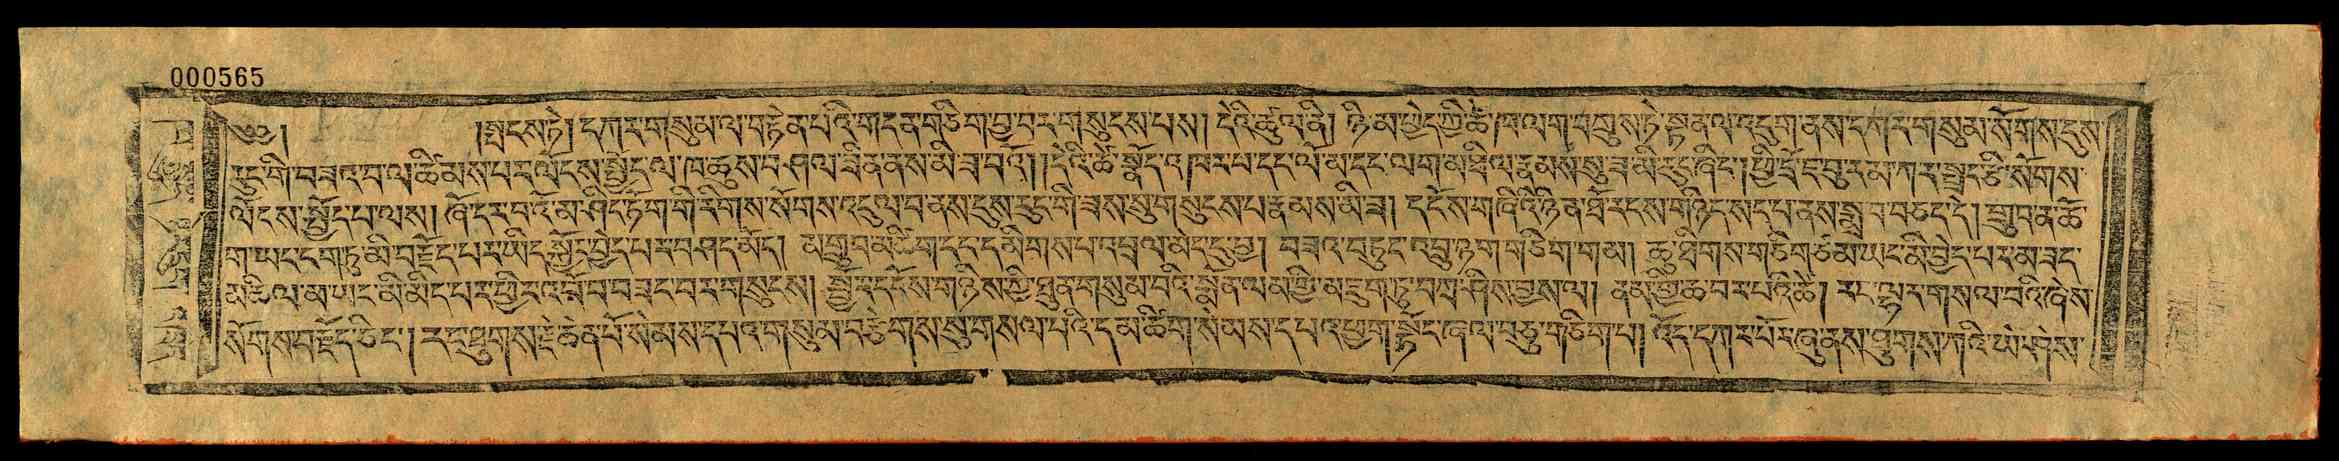༄༅། །སླངས་ཏེ། དཀར་གསུམ་ལ་བརྟེན་པའི་གདན་གཅིག་བྱ་བར་གསུངས་པས། དེའི་ཚུལ་ནི། ཉི་མ་ཕྱེད་ཀྱི་ཚེ་ཁ་ལག་བཀྲུས་ཏེ་སྟན་ལ་འདུག་ནས་དཀར་གསུམ་སོགས་དུས།
རུང་གི་བཟའ་བ་ལ་ཚིམས་པར་ལོངས་སྤྱད་ལ་ཁ་ཆུས་བཤལ་ཟིན་ནས་མི་ཟ་བའོ། །དེའི་ཚེ་སྣོད་འཁར་པ་དང་ལོ་མ་དང་ལག་མཐིལ་རྣམས་སུ་ཟ་མི་རུང་ཞིང་། ཕྱི་དྲོ་ཇ་བུ་རམ་ཀ་ར་སྦྲང་རྩི་སོགས་
ལོངས་སྤྱོད་པ་ལས། ཞོ་དར་བ་འོ་མ་ཤིང་ཏོག་གི་རིགས་སོགས་འདུལ་བ་ནས་དུས་རུང་གི་ཟས་སུ་གསུངས་པ་རྣམས་མི་ཟ། །དངོས་གཞིའི་ཉིན་ཐོ་རངས་གཉིད་སང་པ་ནས་སྨྲ་བ་བཅད་དེ། གྲུབ་ན་ཆོ་
གཡང་དག་ཏུ་མི་བརྗོད་པར་ཡིད་སྐྱོང་བྱེད་པར་བཤད་མོད། མ་གྲུབ་ན་ཚིག་དང་དམིགས་པ་འབྲལ་མེད་དུ་བྱ། བཟའ་བཏུང་འབྲུ་ཉག་གཅིག་གམ། ཆུ་ཐིགས་གཅིག་ཙམ་ཡང་མི་བྱེད་པར་མ་ཟད་
མཆིལ་མ་ཡང་མི་མིད་པར་ཕྱིར་འཕོ་བ་བཟང་བར་གསུངས། སྦྱོར་དངོས་གཉིས་ཀྱི་ཐུན་གསུམ་པའི་སྨོན་ལམ་གྱི་མཇུག་ཏུ་བཀྲ་ཤིས་བྱས་ལ། ནམ་གྱི་ཆ་བར་པའི་ཚེ། རང་ལྷར་གསལ་བའི་ཞེས་
སོགས་བརྗོད་ཅིང་། རང་ཐུགས་རྗེ་ཆེན་པོ་སེམས་དཔའ་གསུམ་བརྩེགས་སུ་གསལ་བའི་དམ་ཚིག་སེམས་དཔའ་ཕྱག་སྟོང་ཞལ་བཅུ་གཅིག་པ། འོད་དཀར་པོར་ཞུ་ནས་ཐུགས་ཀའི་ཡེ་ཤེས་